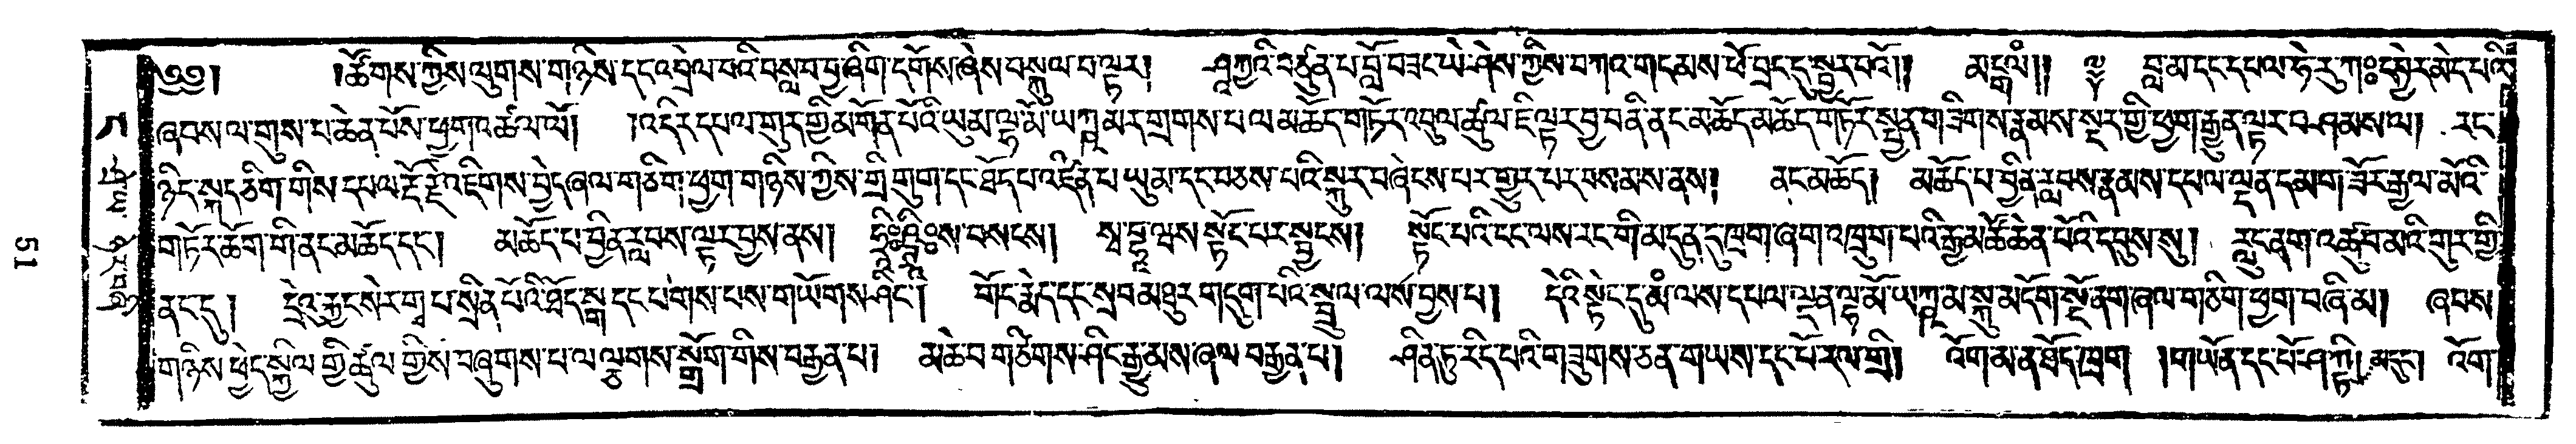༄༅། །ཚོགས་ཀྱིས་ལུགས་གཉིས་དང་འབྲེལ་བའི་བསླབ་བྱ་ཞིག་དགོས་ཞེས་བསྐུལ་བ་ལྟར། ཤཱཀྱའི་བཙུན་པ་བློ་བཟང་ཡེ་ཤེས་ཀྱིས་བཀའ་གདམས་ཕོ་བྲང་དུ་སྦྱར་བའོ།། མངྒལཾ།། ༈ བླ་མ་དང་དཔལ་ཧེ་རུ་ཀཿ དབྱེར་མེད་པའི་
ཞབས་ལ་གུས་པ་ཆེན་པོས་ཕྱག་འཚལ་ལོ། །འདིར་དཔལ་གུར་གྱི་མགོན་པོའི་ཡུམ་ལྷ་མོ་ཡཀྵ་མར་གྲགས་པ་ལ་མཆོད་གཏོར་འབུལ་ཚུལ་ཇི་ལྟར་བྱ་བ་ནི་ནང་མཆོད་མཆོད་གཏོར་སྤྱན་གཟིགས་རྣམས་སྔར་གྱི་ཕྱག་རྒྱུན་ལྟར་བཤམས་ལ། རང་
ཉིད་སྐད་ཅིག་གིས་དཔལ་རྡོ་རྗེ་འཇིགས་བྱེད་ཞལ་གཅིག་ཕྱག་གཉིས་ཀྱིས་གྲི་གུག་དང་ཐོད་པ་འཛིན་པ་ཡུམ་དང་བཅས་པའི་སྐུར་བཞེངས་པར་གྱུར་པར་བསམས་ནས། ནང་མཆོད། མཆོད་པ་བྱིན་རླབས་རྣམས་དཔལ་ལྡན་དམག་ཟོར་རྒྱལ་མོའི་
གཏོར་ཆོག་གི་ནང་མཆོད་དང་། མཆོད་པ་བྱིན་རླབས་ལྟར་བྱས་ནས། ཧྲཱིཿཥྚཱིཿ ས་བསངས། སྭ་བྷཱ་ལྦས་སྟོང་པར་སྦྱངས། སྟོང་པའི་ངག་ལས་རང་གི་མདུན་དུ་ཁྲག་ཞག་འཁྲུག་པའི་རྒྱ་མཚོ་ཆེན་པོའི་དབུས་སུ། རླུང་ནག་འཚུབ་མའི་གུར་གྱི་
ནང་དུ། དྲེའུ་རྐྱང་སེར་གྭ་པ་སྲིན་པོའི་ཐོད་སྒ་དང་པེགས་པས་གཡོགས་ཤིང་། གོང་རྨེད་དང་སྲབ་མཐུར་གདུག་པའི་སྦྲུལ་ལས་བྱས་པ། དེའི་སྟེང་དུ་མཾ་ལས་དཔལ་ལྡན་ལྷ་མོ་ཡཀྵ་མ་སྐུ་མདོག་སྔོ་ནག་ཞལ་གཅིག་ཕྱག་བཞི་མ། ཞབས་
གཉིས་ཕྱེད་སྐྱིལ་གྱི་ཚུལ་གྱིས་བཞུགས་པ་ལ་ལྕགས་སྒྲོག་གིས་བརྒྱན་པ། མཆེ་བ་གཙིགས་ཤིང་རྒྱུ་མས་ཞལ་བརྒྱན་པ། ཤིན་ཏུ་རིད་པའི་གཟུགས་ཅན་གཡས་དང་པོ་རལ་གྲི། འོག་མ་ན་ཐོད་ཁྲག །གཡོན་དང་པོ་ཤཀྟི། མདུང་། འོག་